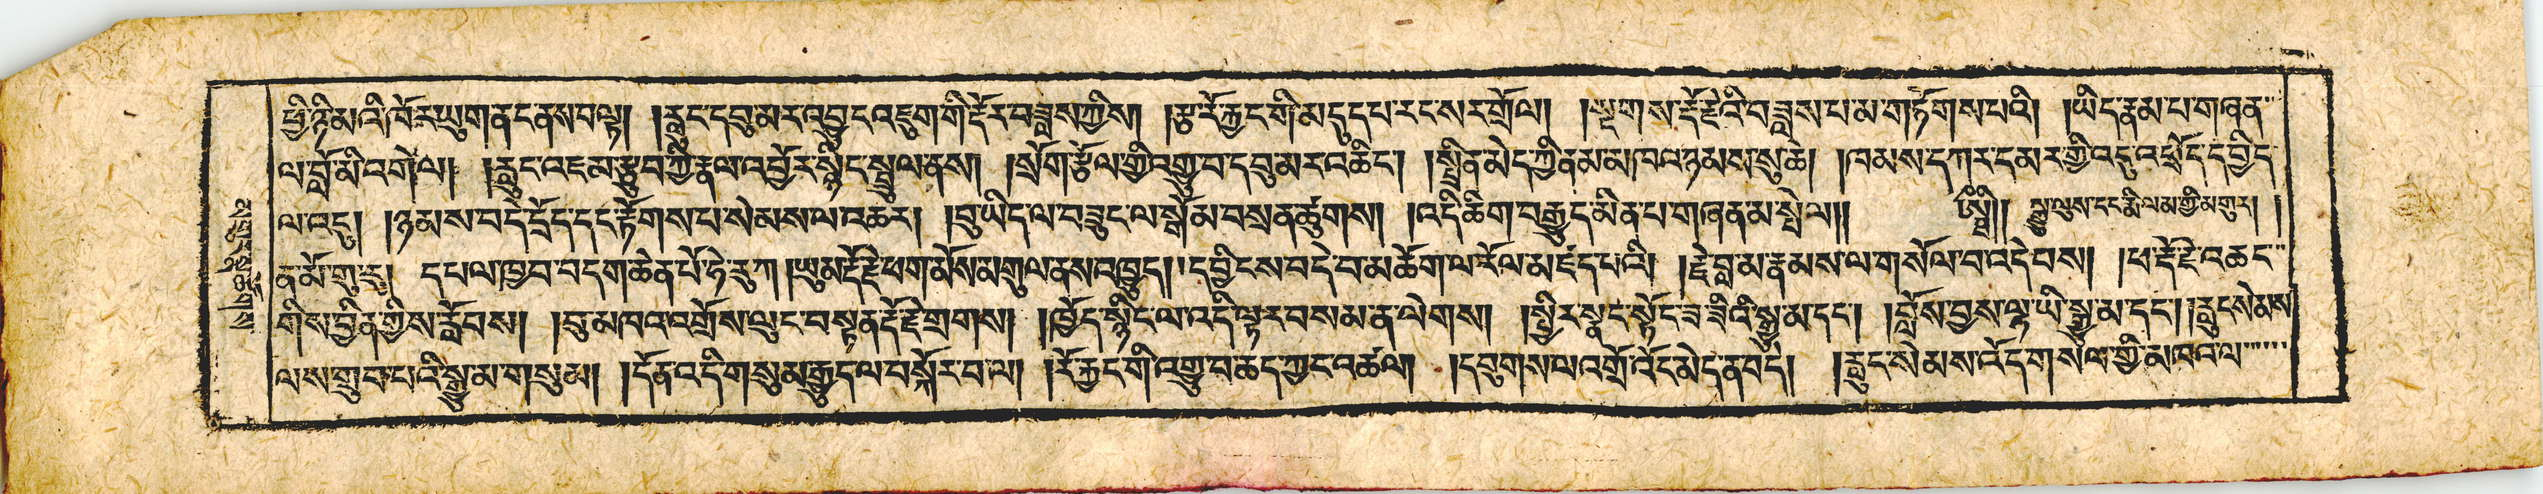ཕྱི་ཉི་མའི་ཁོར་ཡུག་ནང་ནས་བལྟ། །རླུང་དབུ་མར་འབྱུང་འཇུག་གི་རྡོར་བཟླས་ཀྱིས། །རྩ་རོ་རྐྱང་གི་མདུད་པ་རང་སར་གྲོལ། །སྔགས་རྡོརྗེའི་བཟླས་པ་མ་གཏོགས་པའི། །ཡིད་རྣམ་པ་གཞན་
ལ་བློ་མི་འགེལ། །རླུང་འཇམ་རྩུབ་ཀྱི་རྣལ་འབྱོར་སྙིང་སྤྲུལ་ནས། །སྲོག་རྩོལ་གྱི་འགྱུ་བ་དབུ་མར་འཆིང་། །སྤྲིན་མེད་ཀྱི་ནམ་མཁའ་ཉམས་སུ་ཆེ། །ཁམས་དཀར་དམར་གྱི་འདུ་འཕྲོད་དབྱིད་
ལ་འདུ། །ཉམས་བདེ་དྲོད་དང་རྟོགས་པ་སེམས་ལ་འཆར། །བུ་ཡིད་ལ་བཟུང་ལ་སྒོམ་བསྲན་ཚུགས། །འདི་ཆིག་བརྒྱུད་མིན་པ་གཞན་མ་སྤེལ།། ཨྠི། །༼སྒྱུ་ལུས་དང་རྨི་ལམ་གྱི་མགུར།
༽ནཱ་མོ་གུ་རུ། དཔལ་ཁྱབ་བདག་ཆེན་པོ་ཧེ་རུ་ཀ །ཡུམ་རྡོ་རྗེ་ཕག་མོས་མགུལ་ནས་བཁྱུད། དབྱིངས་བདེ་བ་མཆོག་ལ་རོལ་མཛད་པའི། །རྗེ་བླ་མ་རྣམས་ལ་གསོལ་བ་འདེབས། །ཕ་རྡོ་རྗེ་འཆང་
གིས་བྱིན་གྱིས་རློབས། །བུ་མཁའ་འགྲོས་ལུང་བསྟན་རྡོ་རྡེ་གྲགས། །ཁྱོད་སྙིང་ལ་འདི་ལྟརབསམ་ན་ལེགས། །སྤྱིར་སྣང་སྟོང་ཟ་ཟིའི་སྒྱུ་མ་དང་། །བློས་བྱས་ལྷ་ཡི་སྒྱུ་མ་དང་། །རླུངསེམས་
ལས་གྲུབ་པའི་སྒྱུ་མ་གསུམ། །དོན་འདི་གསུམ་རྒྱུད་ལ་བསྐོར་བ་ལ། །རོ་རྐྱང་གི་འགྱུ་བ་ཆད་ཀྱང་འཚལ། །དབུགས་ལ་འགྲོ་འོང་མེད་ན་བདེ། །རླུང་སེམས་འོད་གསལ་གྱི་མཁའ་ལ་